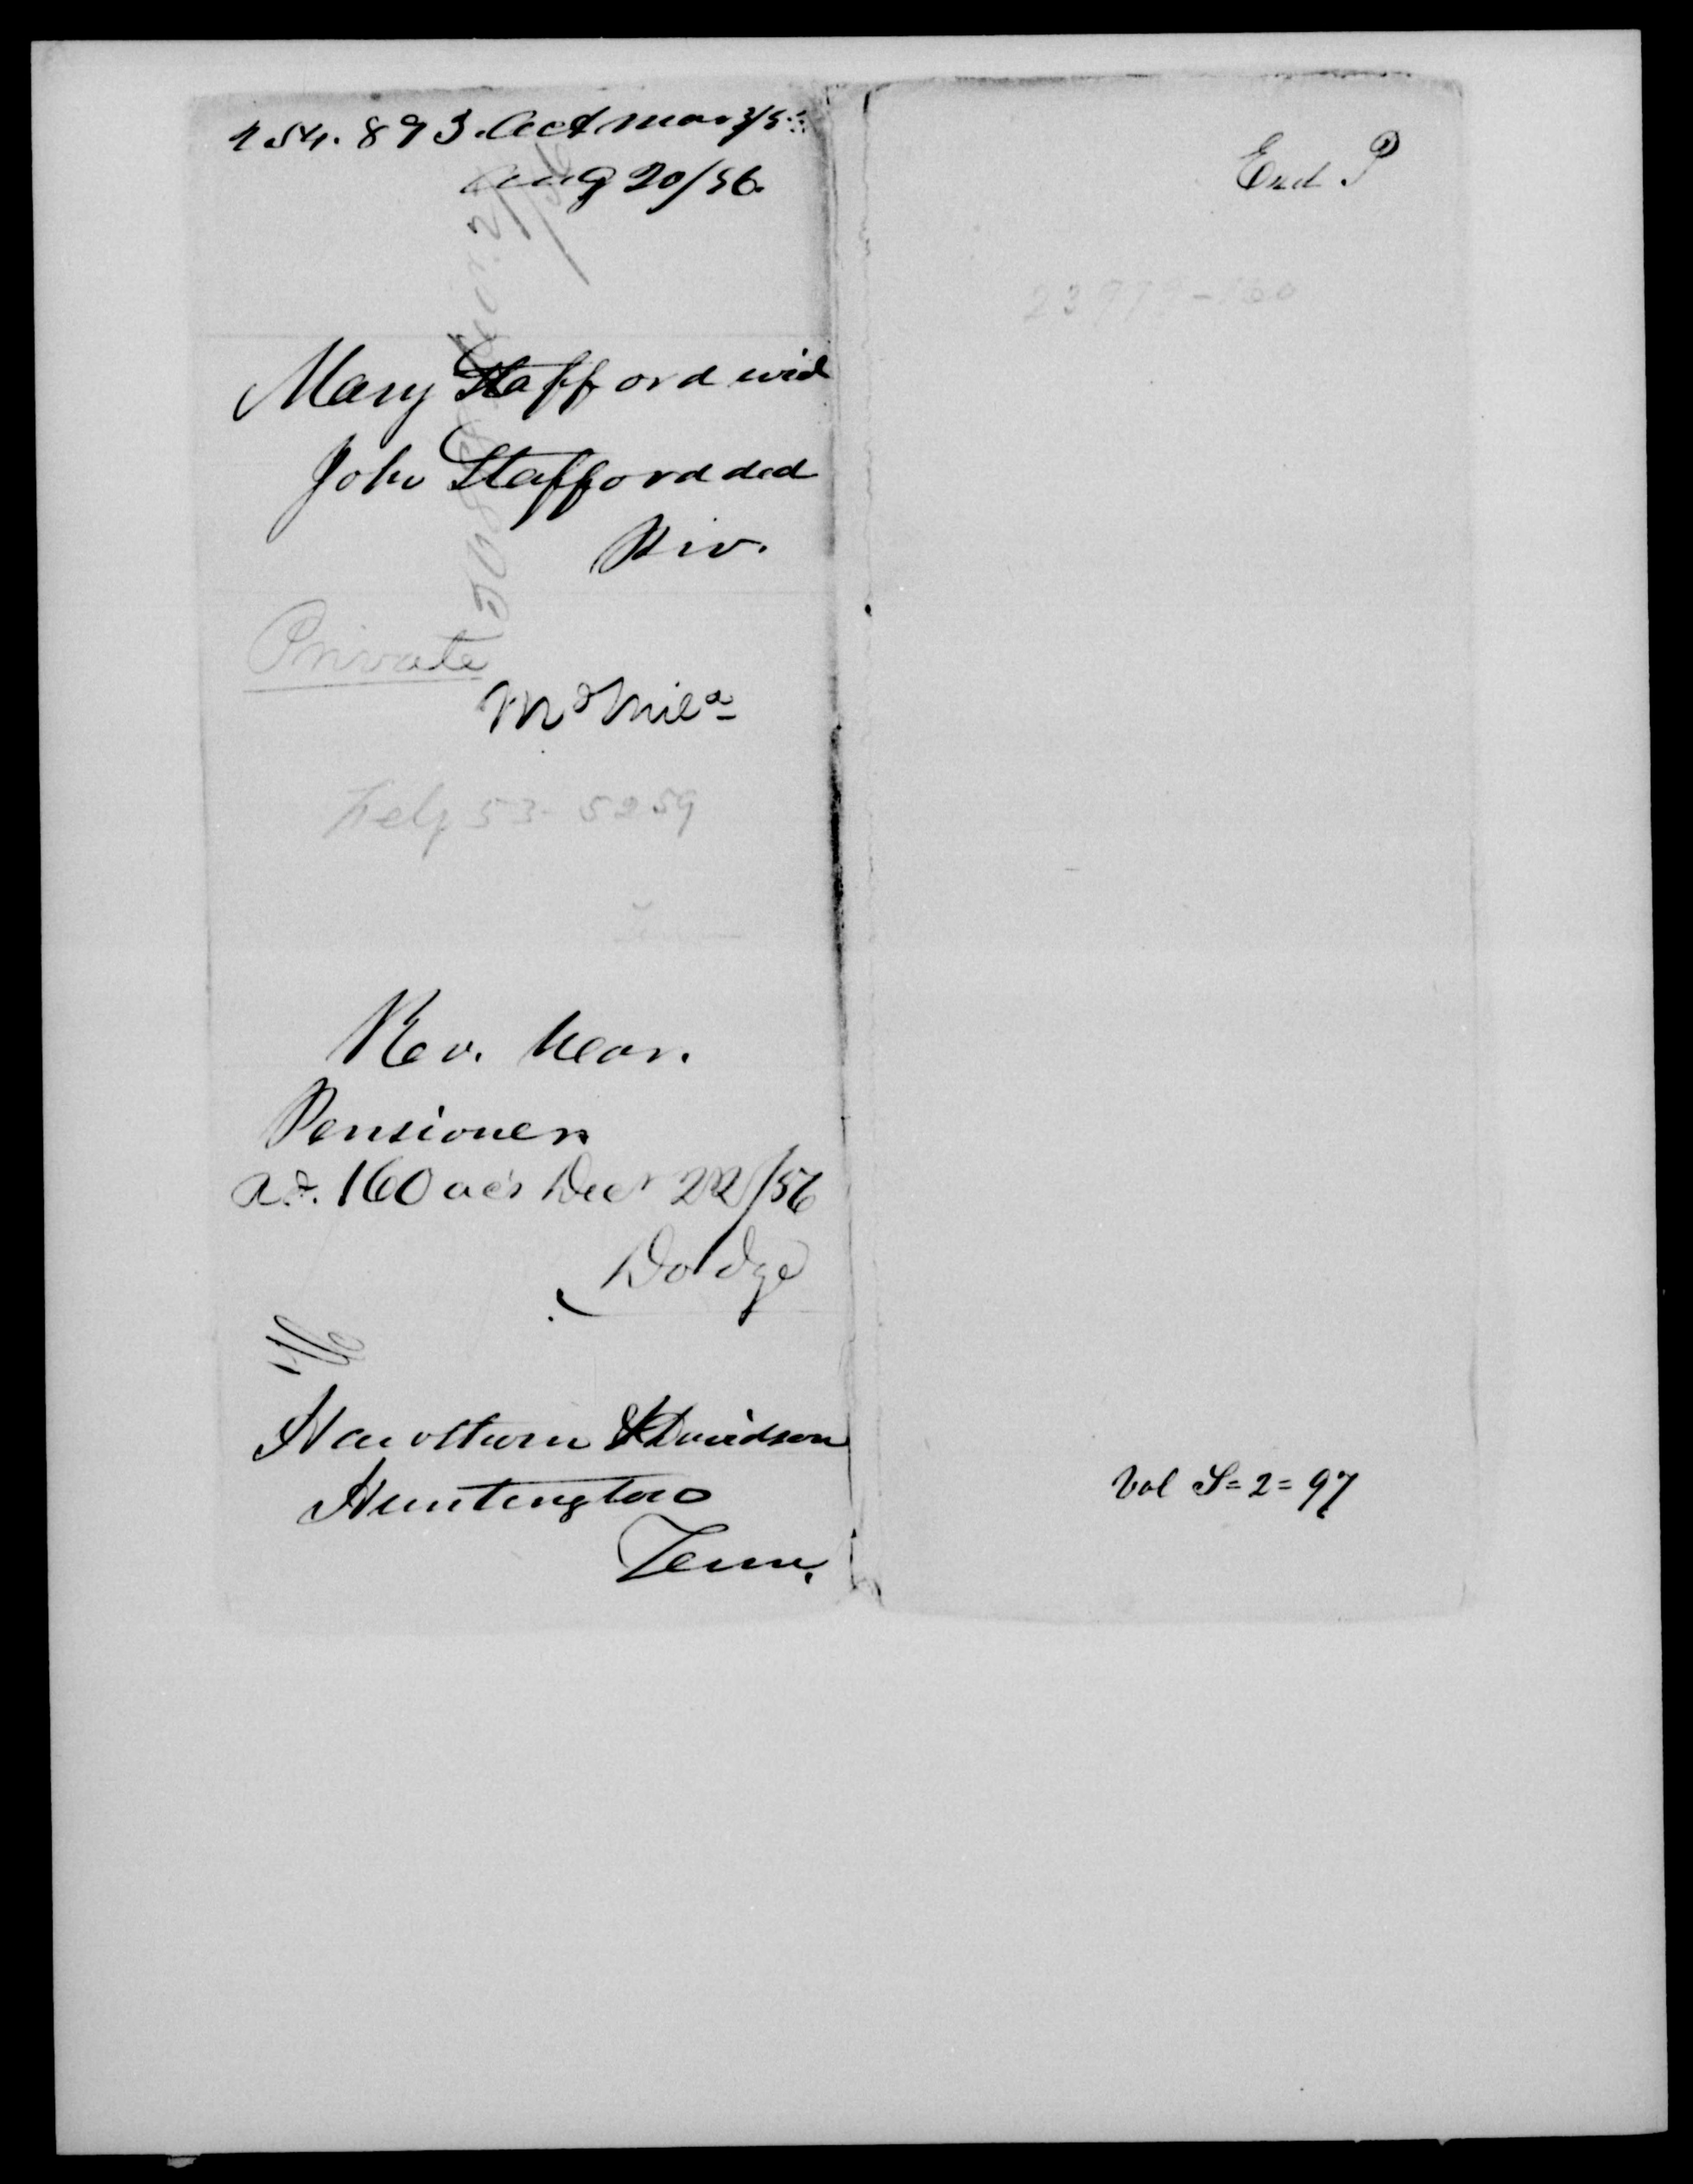NJ4.895. Acc/mas 3/5

Mary stafford wid
John Stafford did
DIv.
Private
Md Mild
hel 53-5259
Rev. War
Pensioner
Ad. 160 ac's Dec 22/56
Dodge
Hacoltwin Davidson
Huntington
Tenn.

[Opposite page]
End P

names: [BLANK] Davidson; [BLANK] Hawthorn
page: 2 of 61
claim: widow's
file: W. 11554, for John Stafford, Maryland